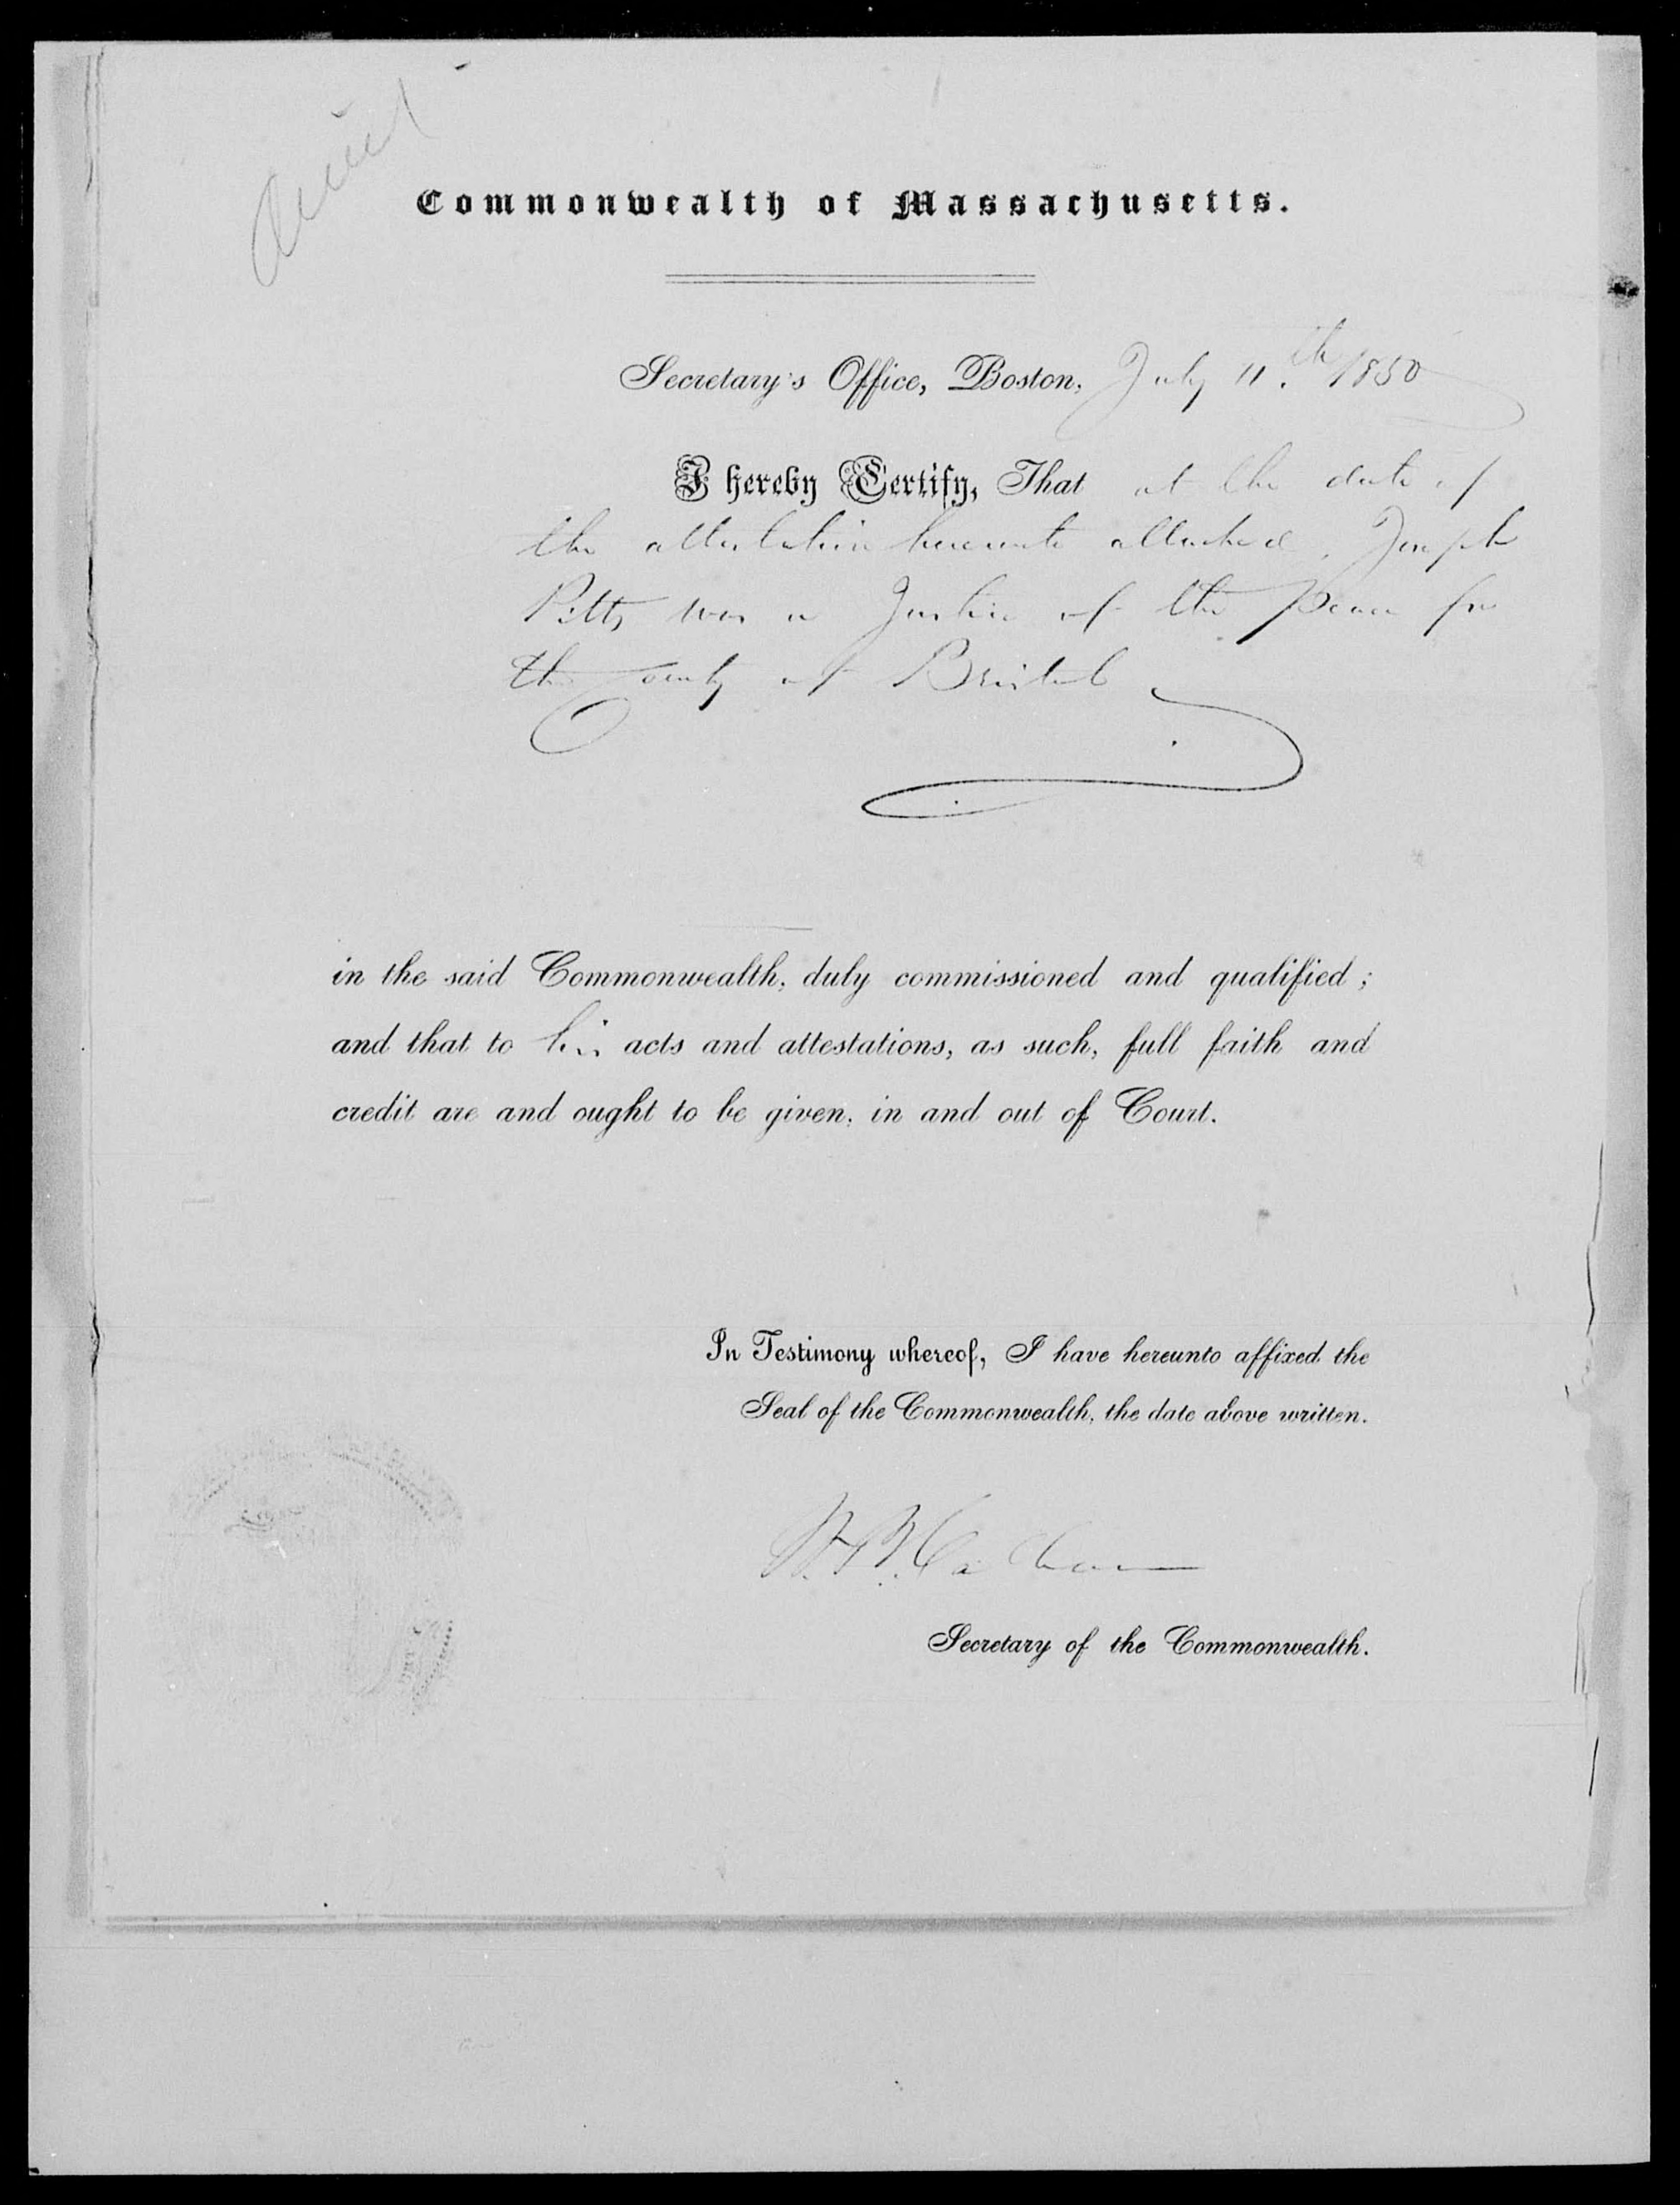Received
Commonwealth of Massachusetts.
Secretary's Office, Boston, July 11th 1850
I hereby Certify, That at the date
the attestation hereunto attached, Joseph
Pitts was a Justice of the Peace for
the County of Bristol
in the said Commonwealth, duly commissioned and qualified; and that to his acts and attestations, as such, full faith and
credit are and ought to be given, in and out of Court
In Testimony whereof, I have hereunto affixed the Seal of the Commonwealth, the date above written.
W.B. Calhoun
Secretary of the Commonwealth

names: W B Calhoun; Joseph Pitts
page: 47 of 54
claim: widow's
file: W. 26,897, for George Pitts, Massachusetts